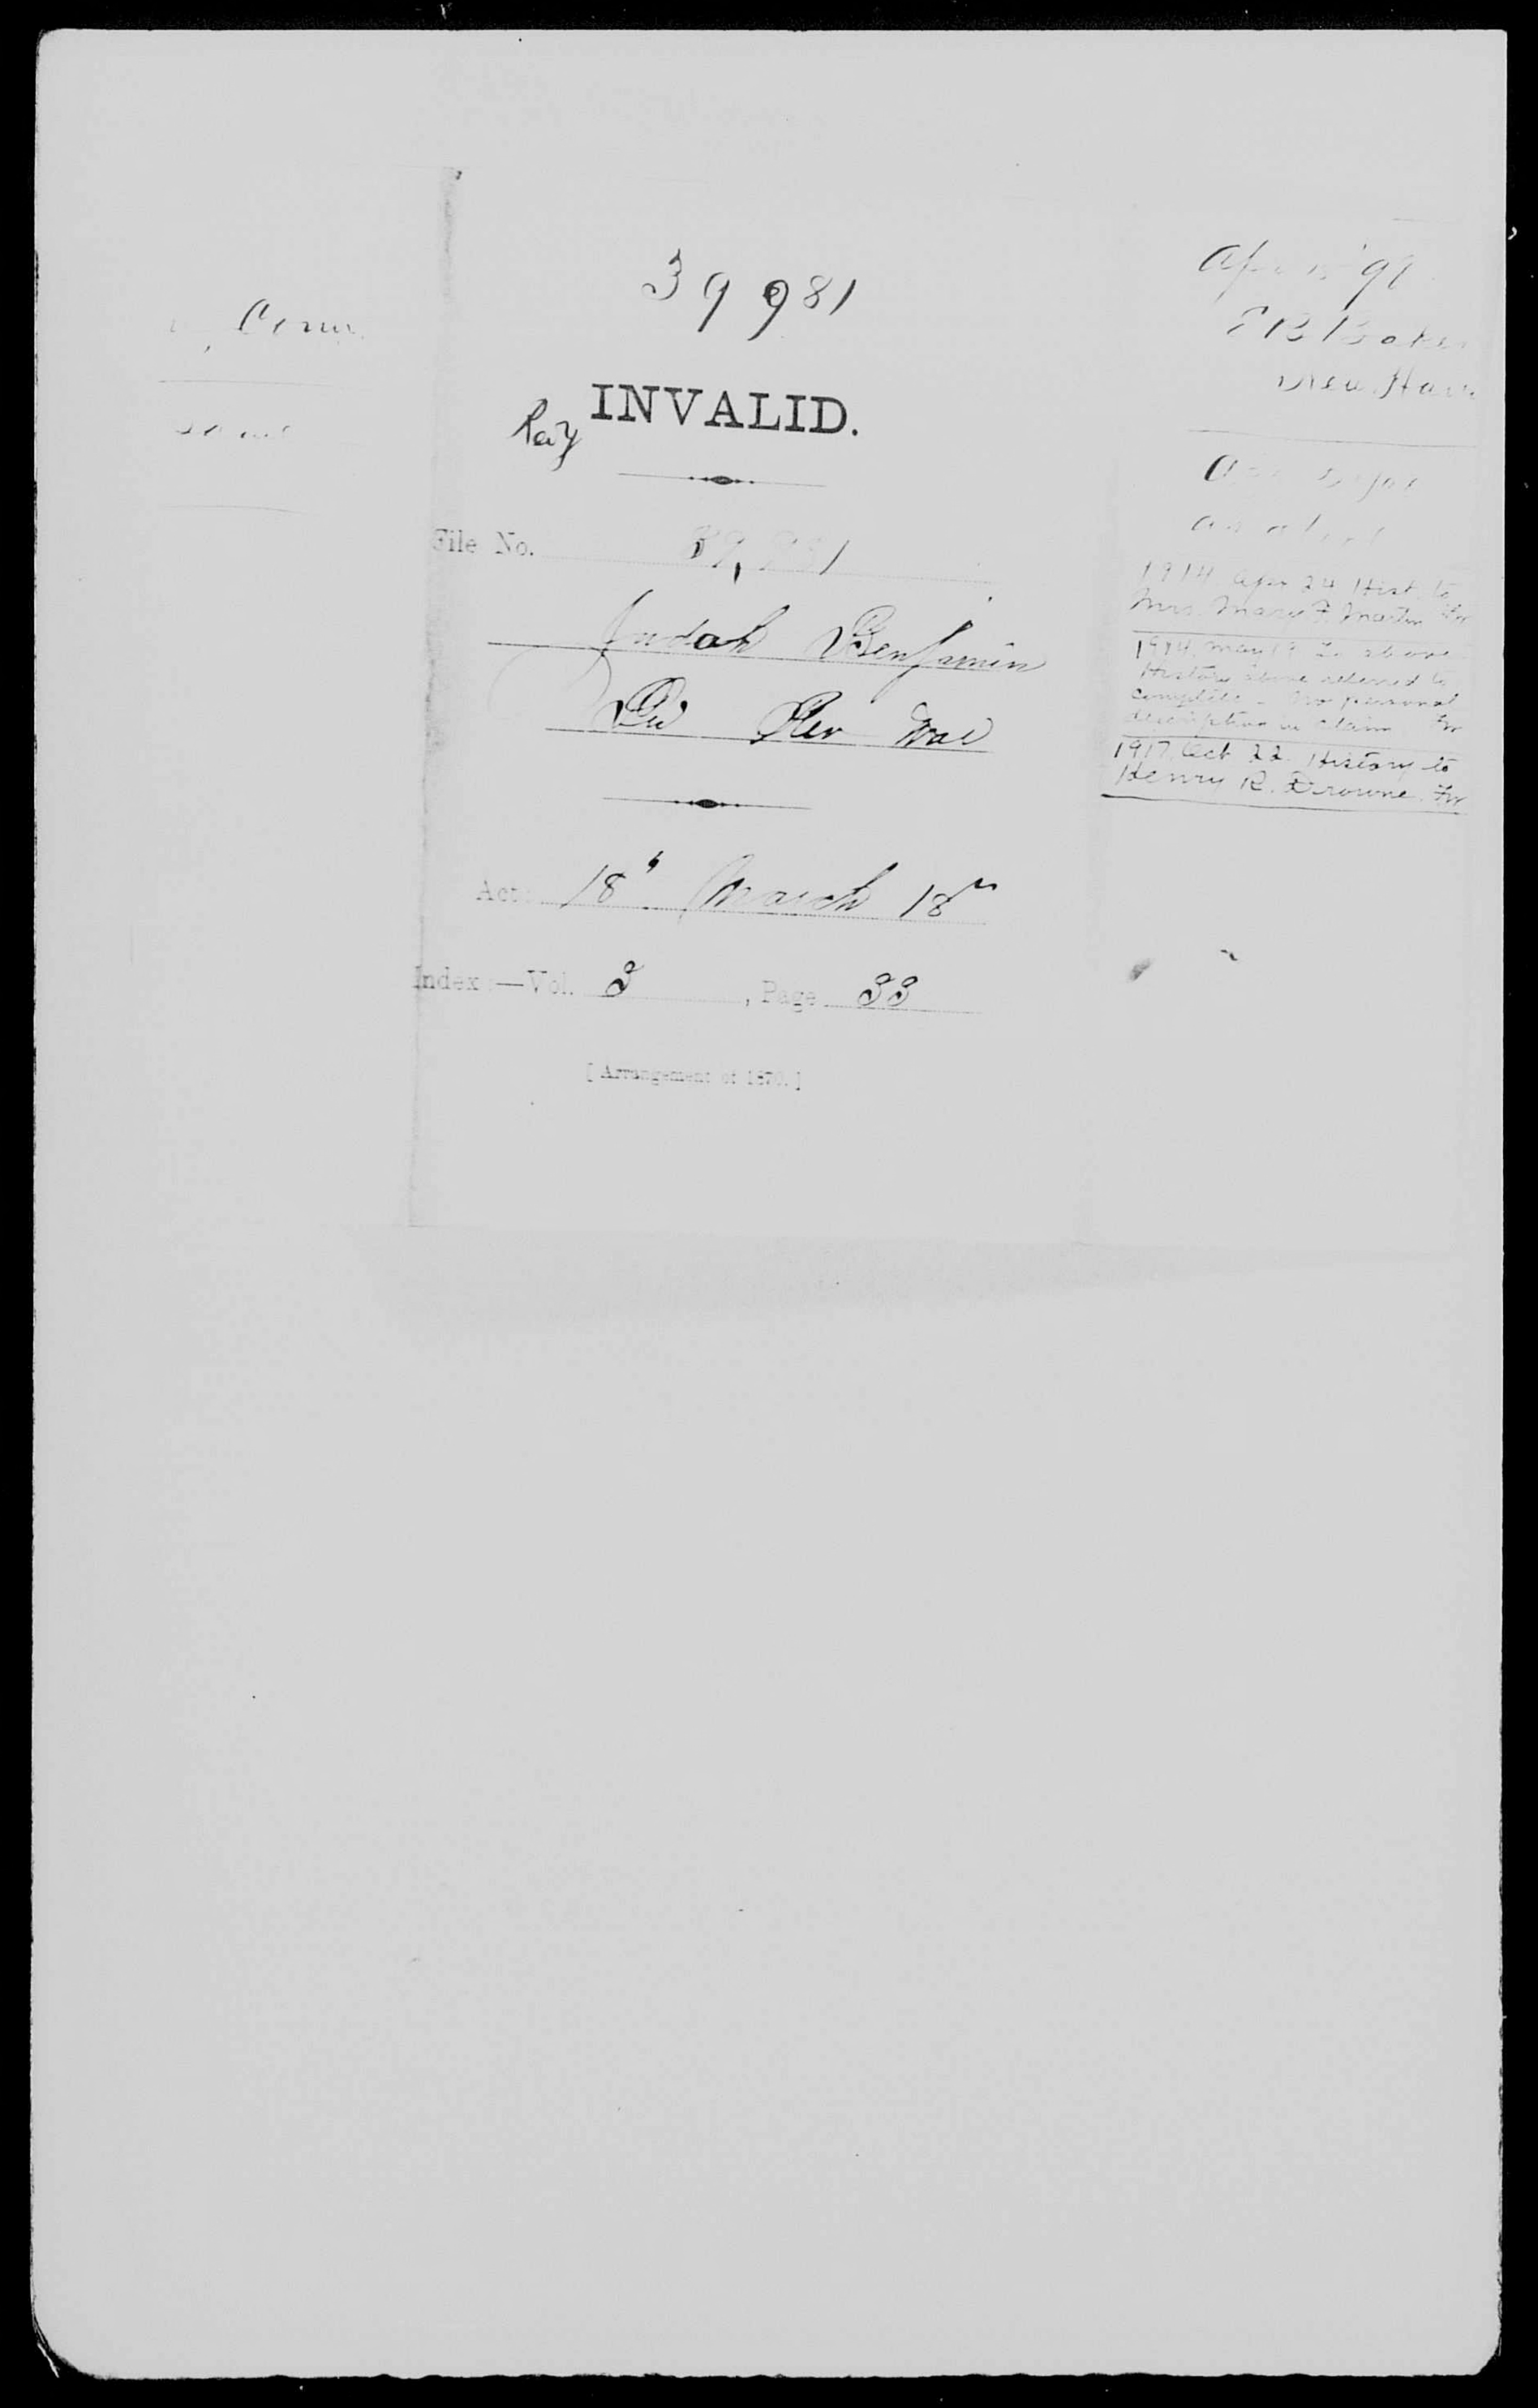[left side illegible]

39981
Revy 
INVALID.
File No. 39981
Judah Benjamin
Pri Rev War
Act: 18th  March 18
Index-Vol 3, Page 33
[in brackets] Arrangement of 1870.

[right side] 
Apr. [?]  '91
[813 Baker?]
New Haven
[illegible]
1914 Apr 24 Hist to
M Mary F. Martin fw
1914 May 19 [illegible] History above referred to [?] no personal description in claim fw 
1917, Oct 22 History to  Henry R. Downey  fw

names: Henry R Browne, Judah Benjamin, Mary F Martin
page: 33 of 34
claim: survivor's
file: S. 39981, Judah Benjamin, Continental (N. H. And N. Y.)